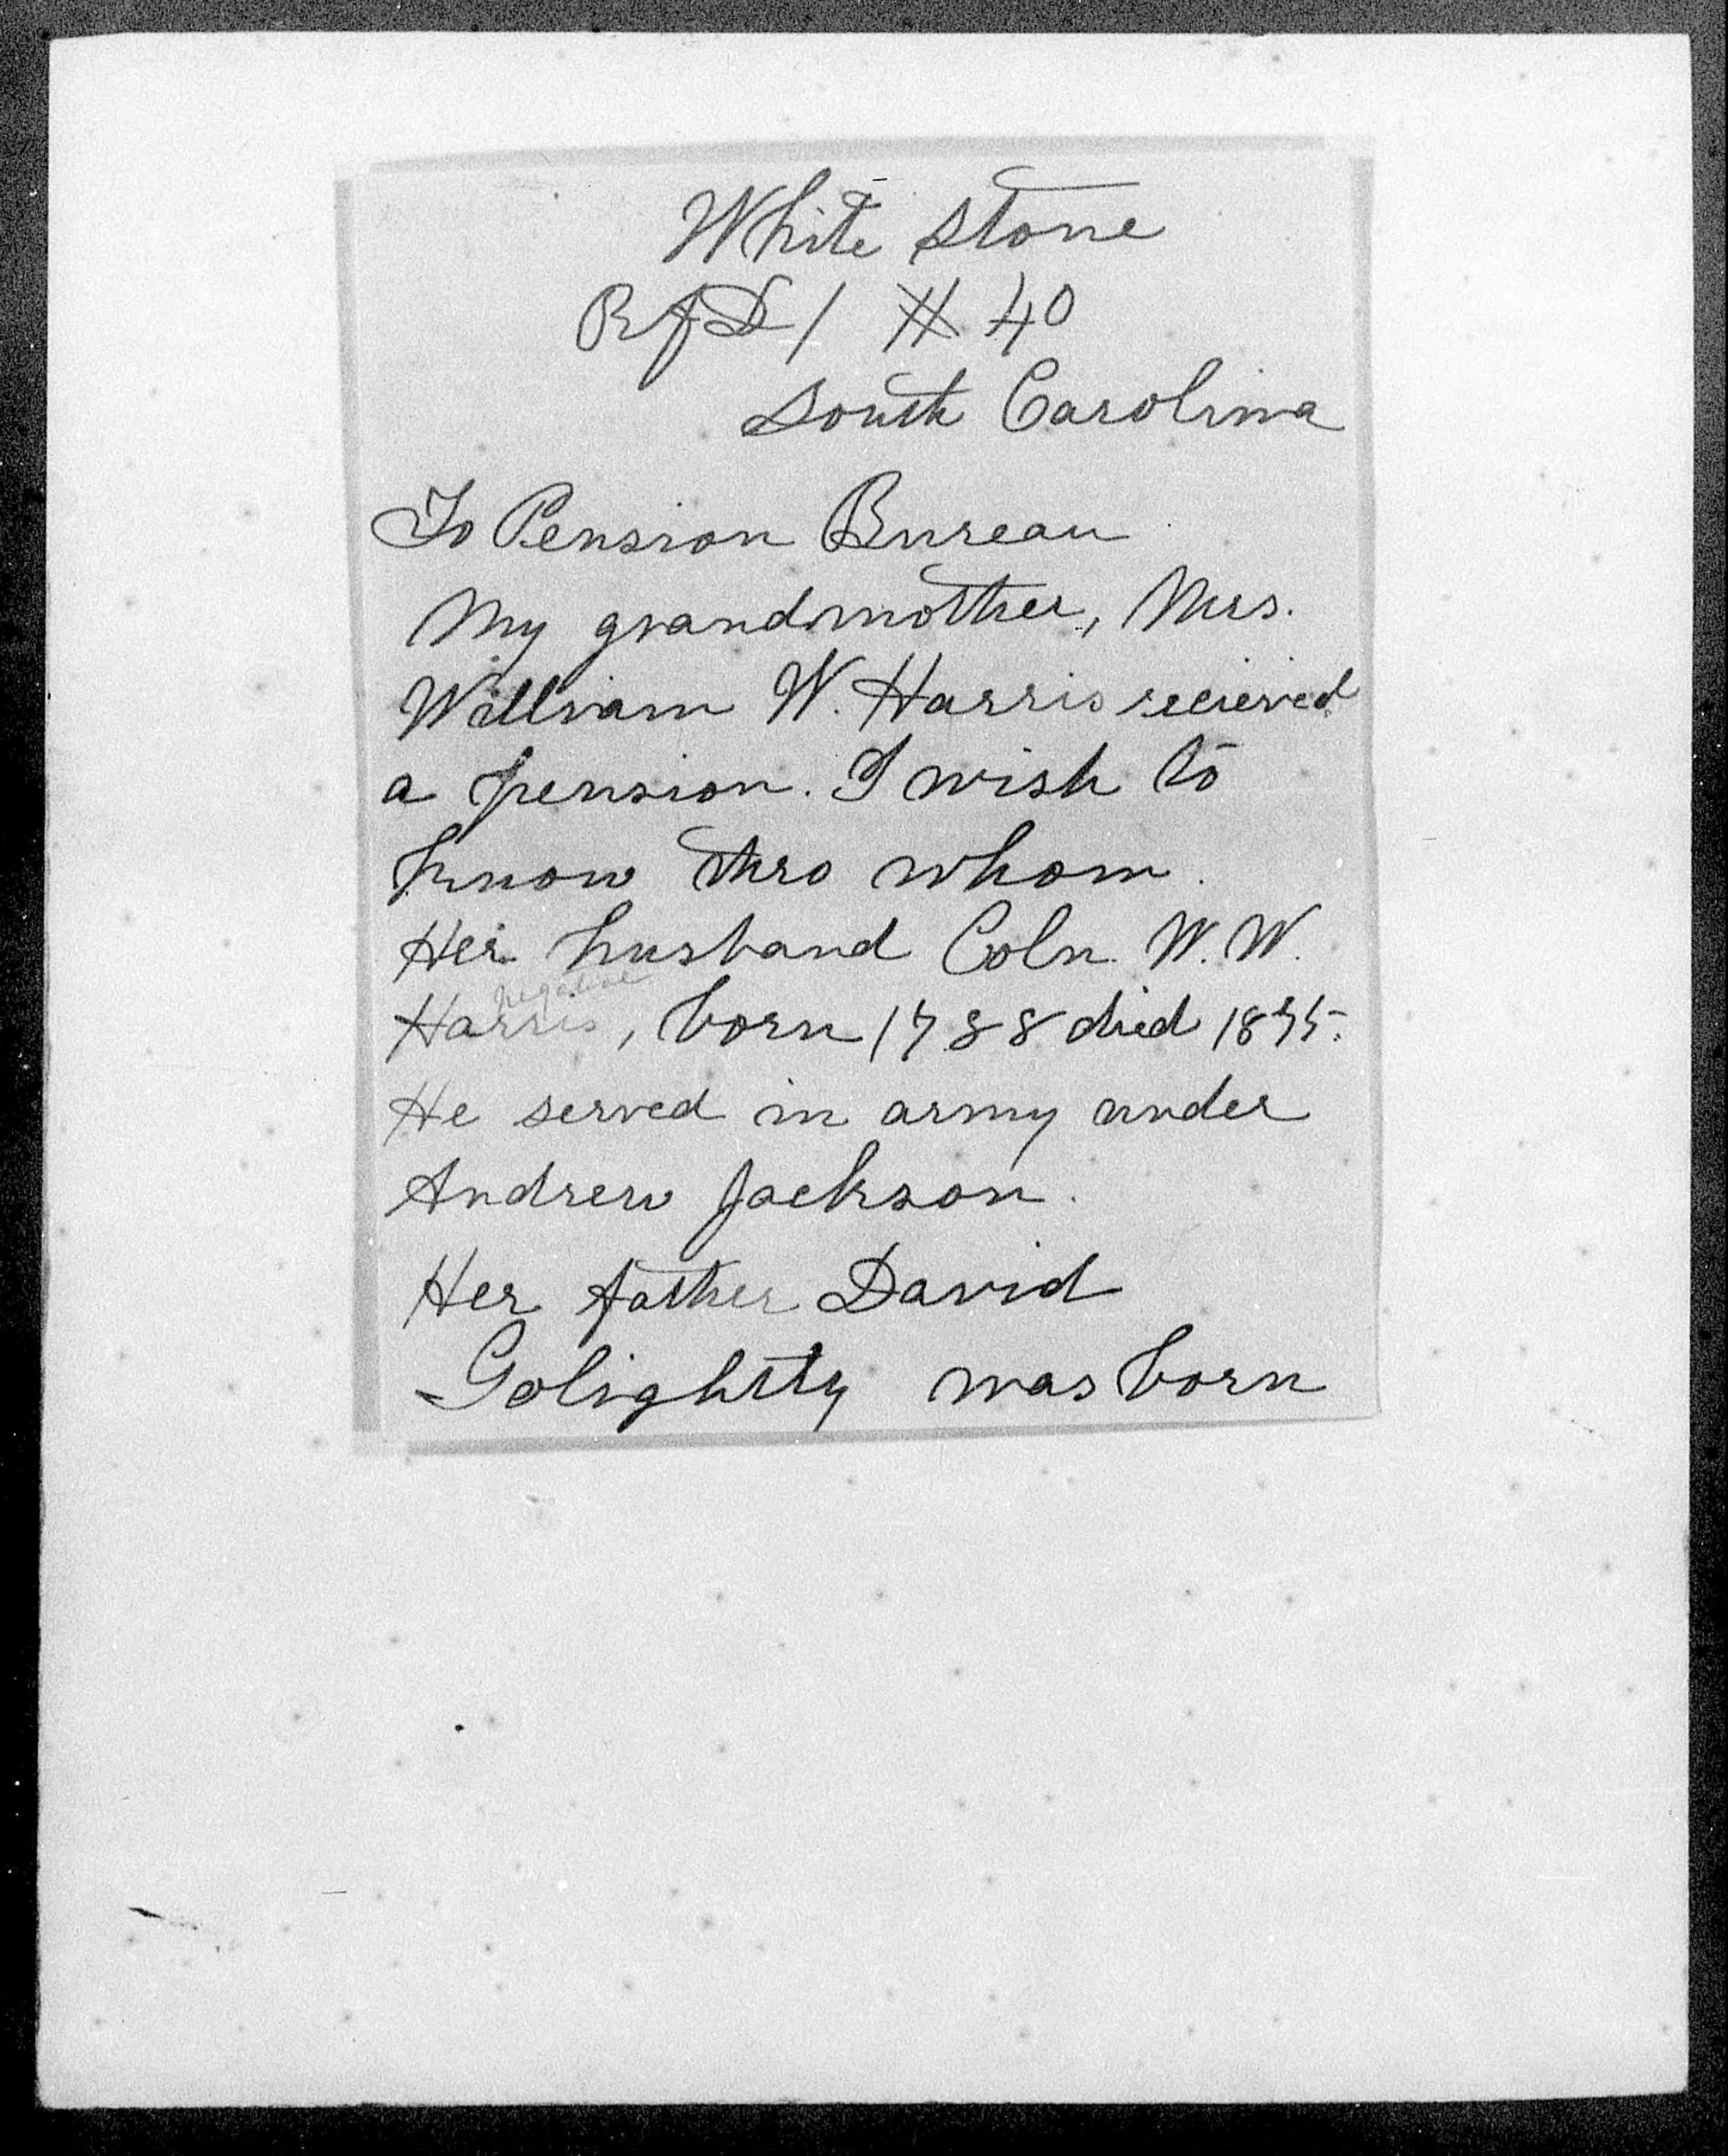White Stone
RFD1 #40
South Carolina
To Pension Bureau
my grandmother, Mrs.
William W. Harris recieved
a pension. I wish to
know thro whom
Her husband Coln. W.W.
Harris, born 1788 died 1875.
He served in army under
Andrew Jackson.
Her father David
Golightly was born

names: Andrew Jackson, David Golightly, William W Harris, W W Harris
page: 15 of 57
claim: survivor's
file: S. 18888, David Golightly, S.C.